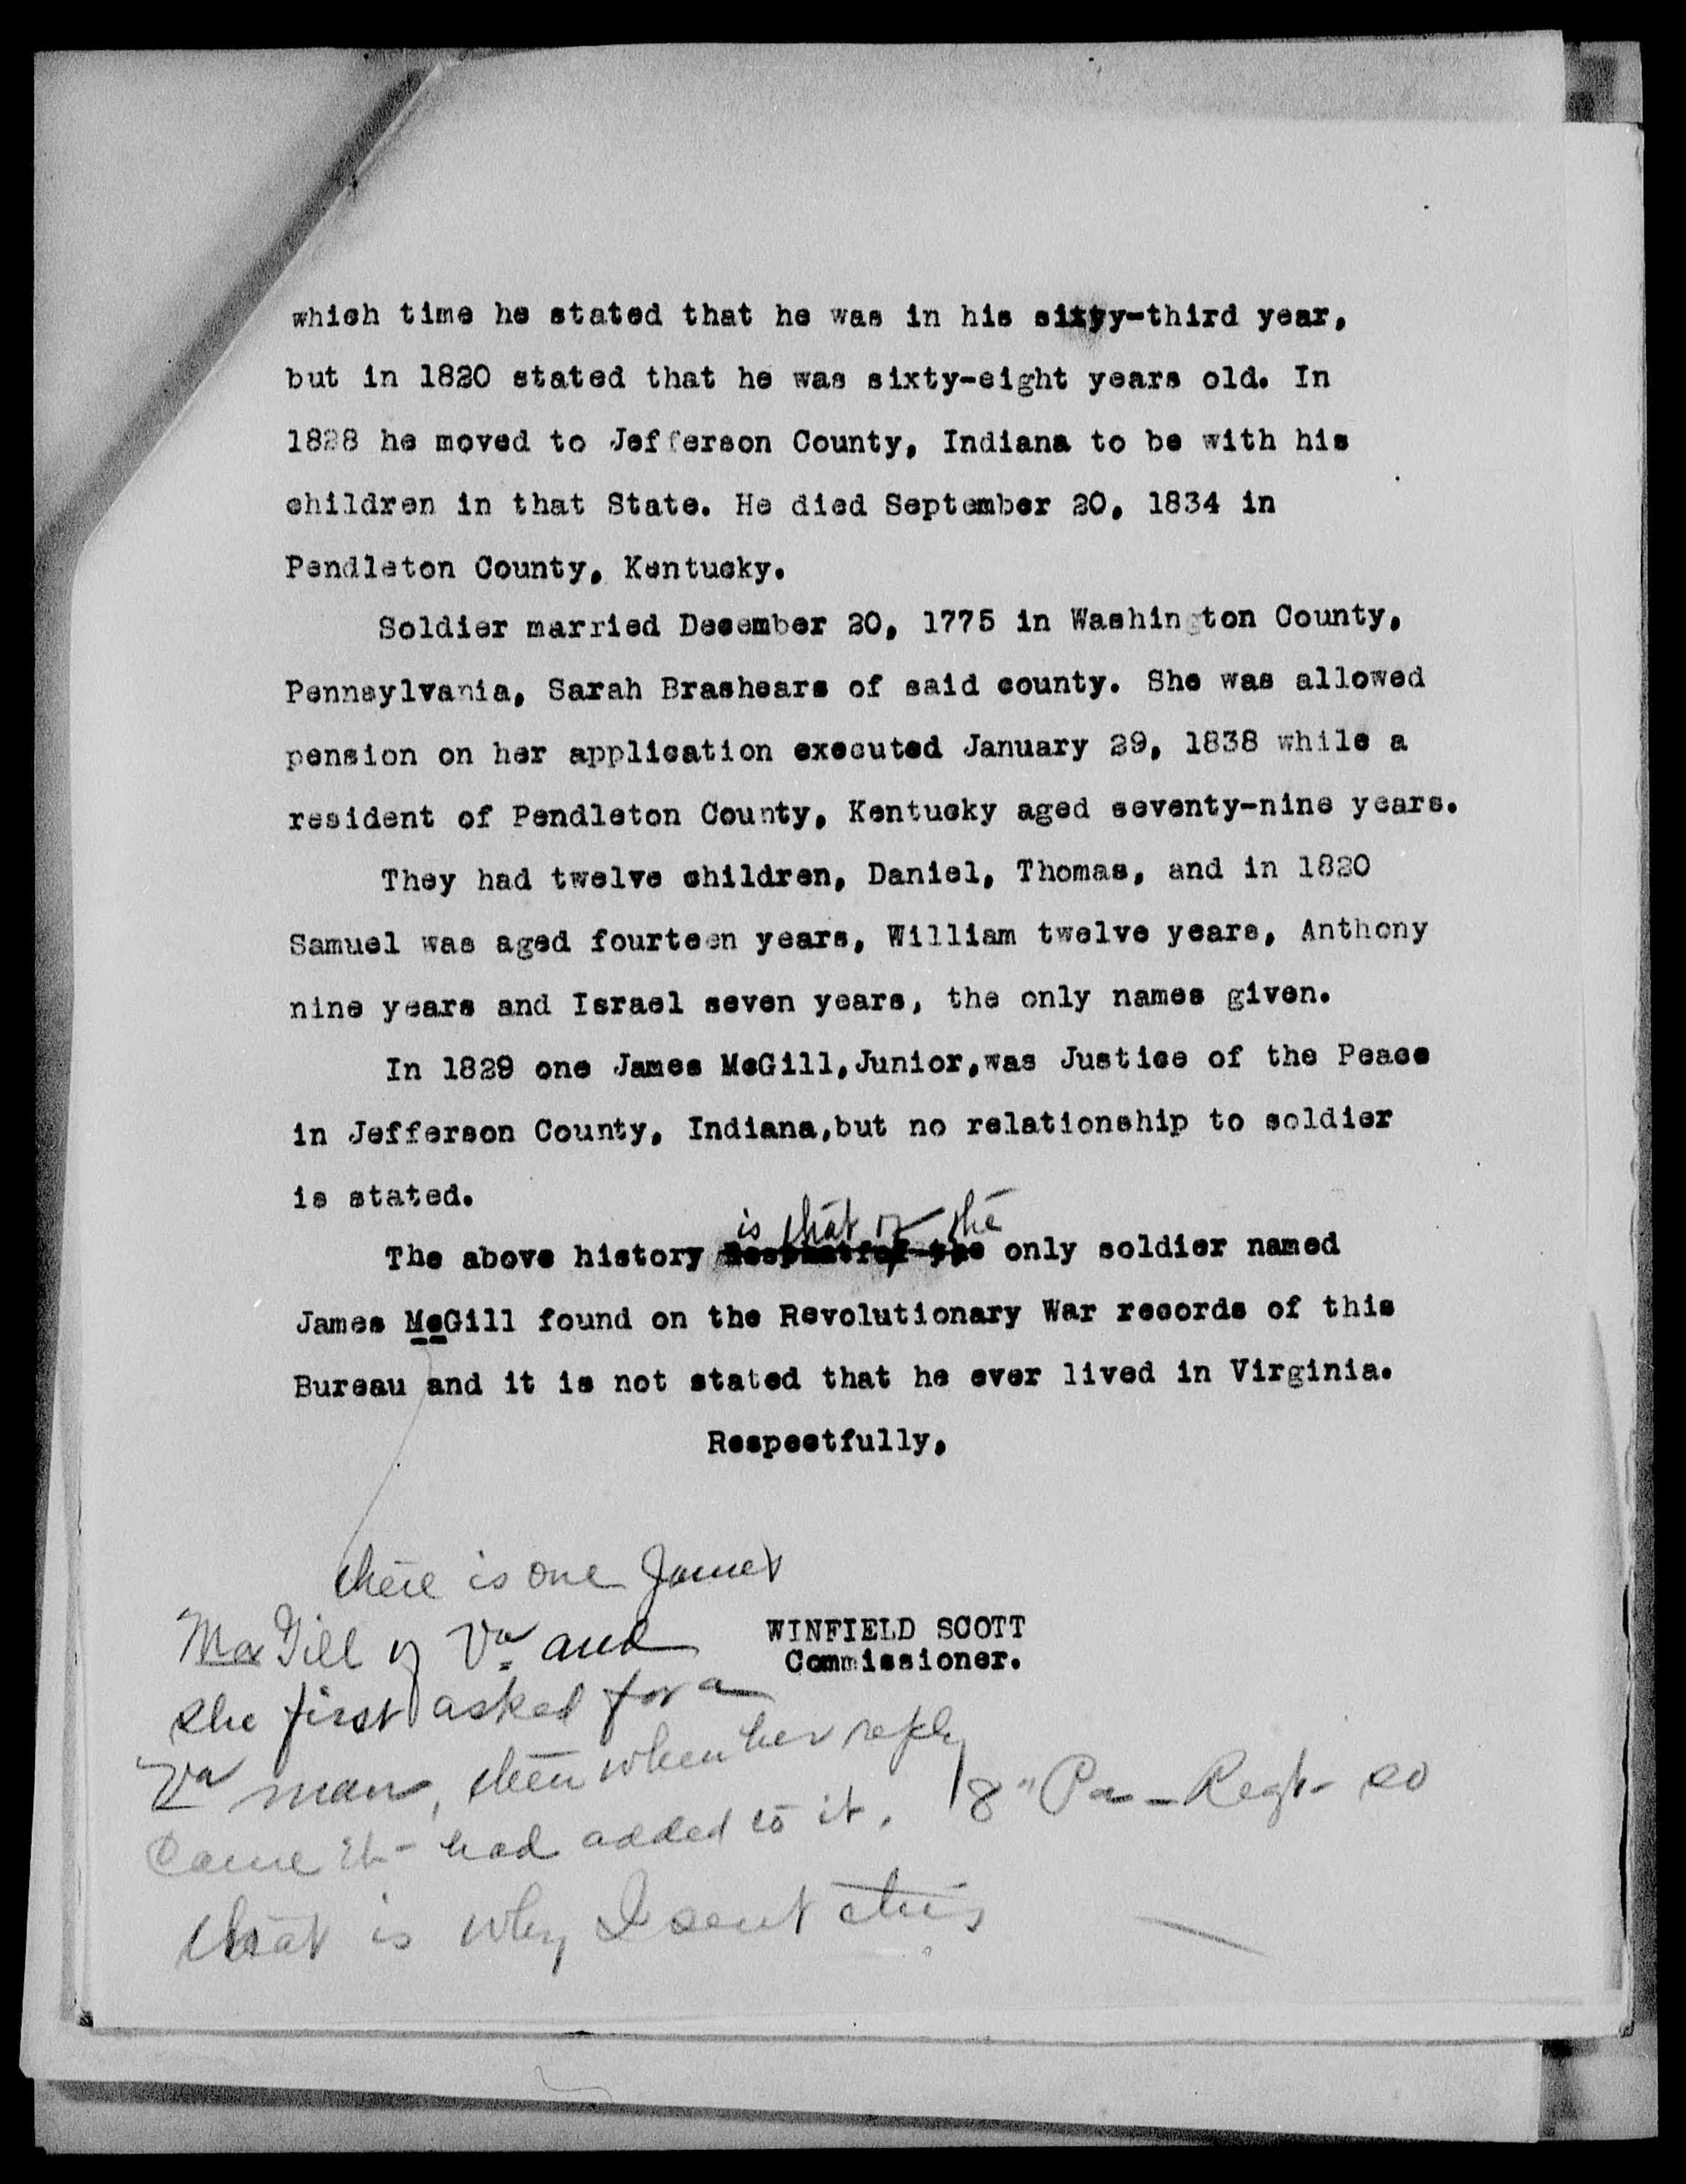Image 122 4160873_00122 Fold3 File #23857288
[Continued from image # 121.]

which time he stated that he was in his sixty-third year but in 1820 stated that he was sixty-eight years old. In 1828 he moved to Jefferson County, Indiana to be with his children in that state.  He died September 20, 1834, in Pendleton County, Kentucky.
Soldier married December 20, 1775, in Washington County, Pennsylvania, Sarah Brashears of said county. She was allowed pension on her application executed on January 29, 1838, while a resident of Pendleton County, Kentucky, aged seventy-nine years. 
They had twelve children, Daniel, Thomas, and in 1820 Samuel was aged fourteen years, William twelve years, Anthony nine years, and Israel seven years, the only names given.
In 1829 one James McGill, Junior, was Justice of the Peace in Jefferson County, Indiana, but no relationship to soldier is stated.  
The above history is that of the only soldier named James McGill found on the Revolutionary War records of this Bureau and it is not stated that he ever lived in Virginia.
					Respectfully,
					WINFIELD SCOTT
					Commissioner

[handwritten note] There is one James MaGill of VA and she first asked for a VA man, then when her reply came it had added to it - 8"  PA-Regt--so that is why I sent this.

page: 64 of 71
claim: widow's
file: W. 8428, for James Mc Gill, Pennsylvania